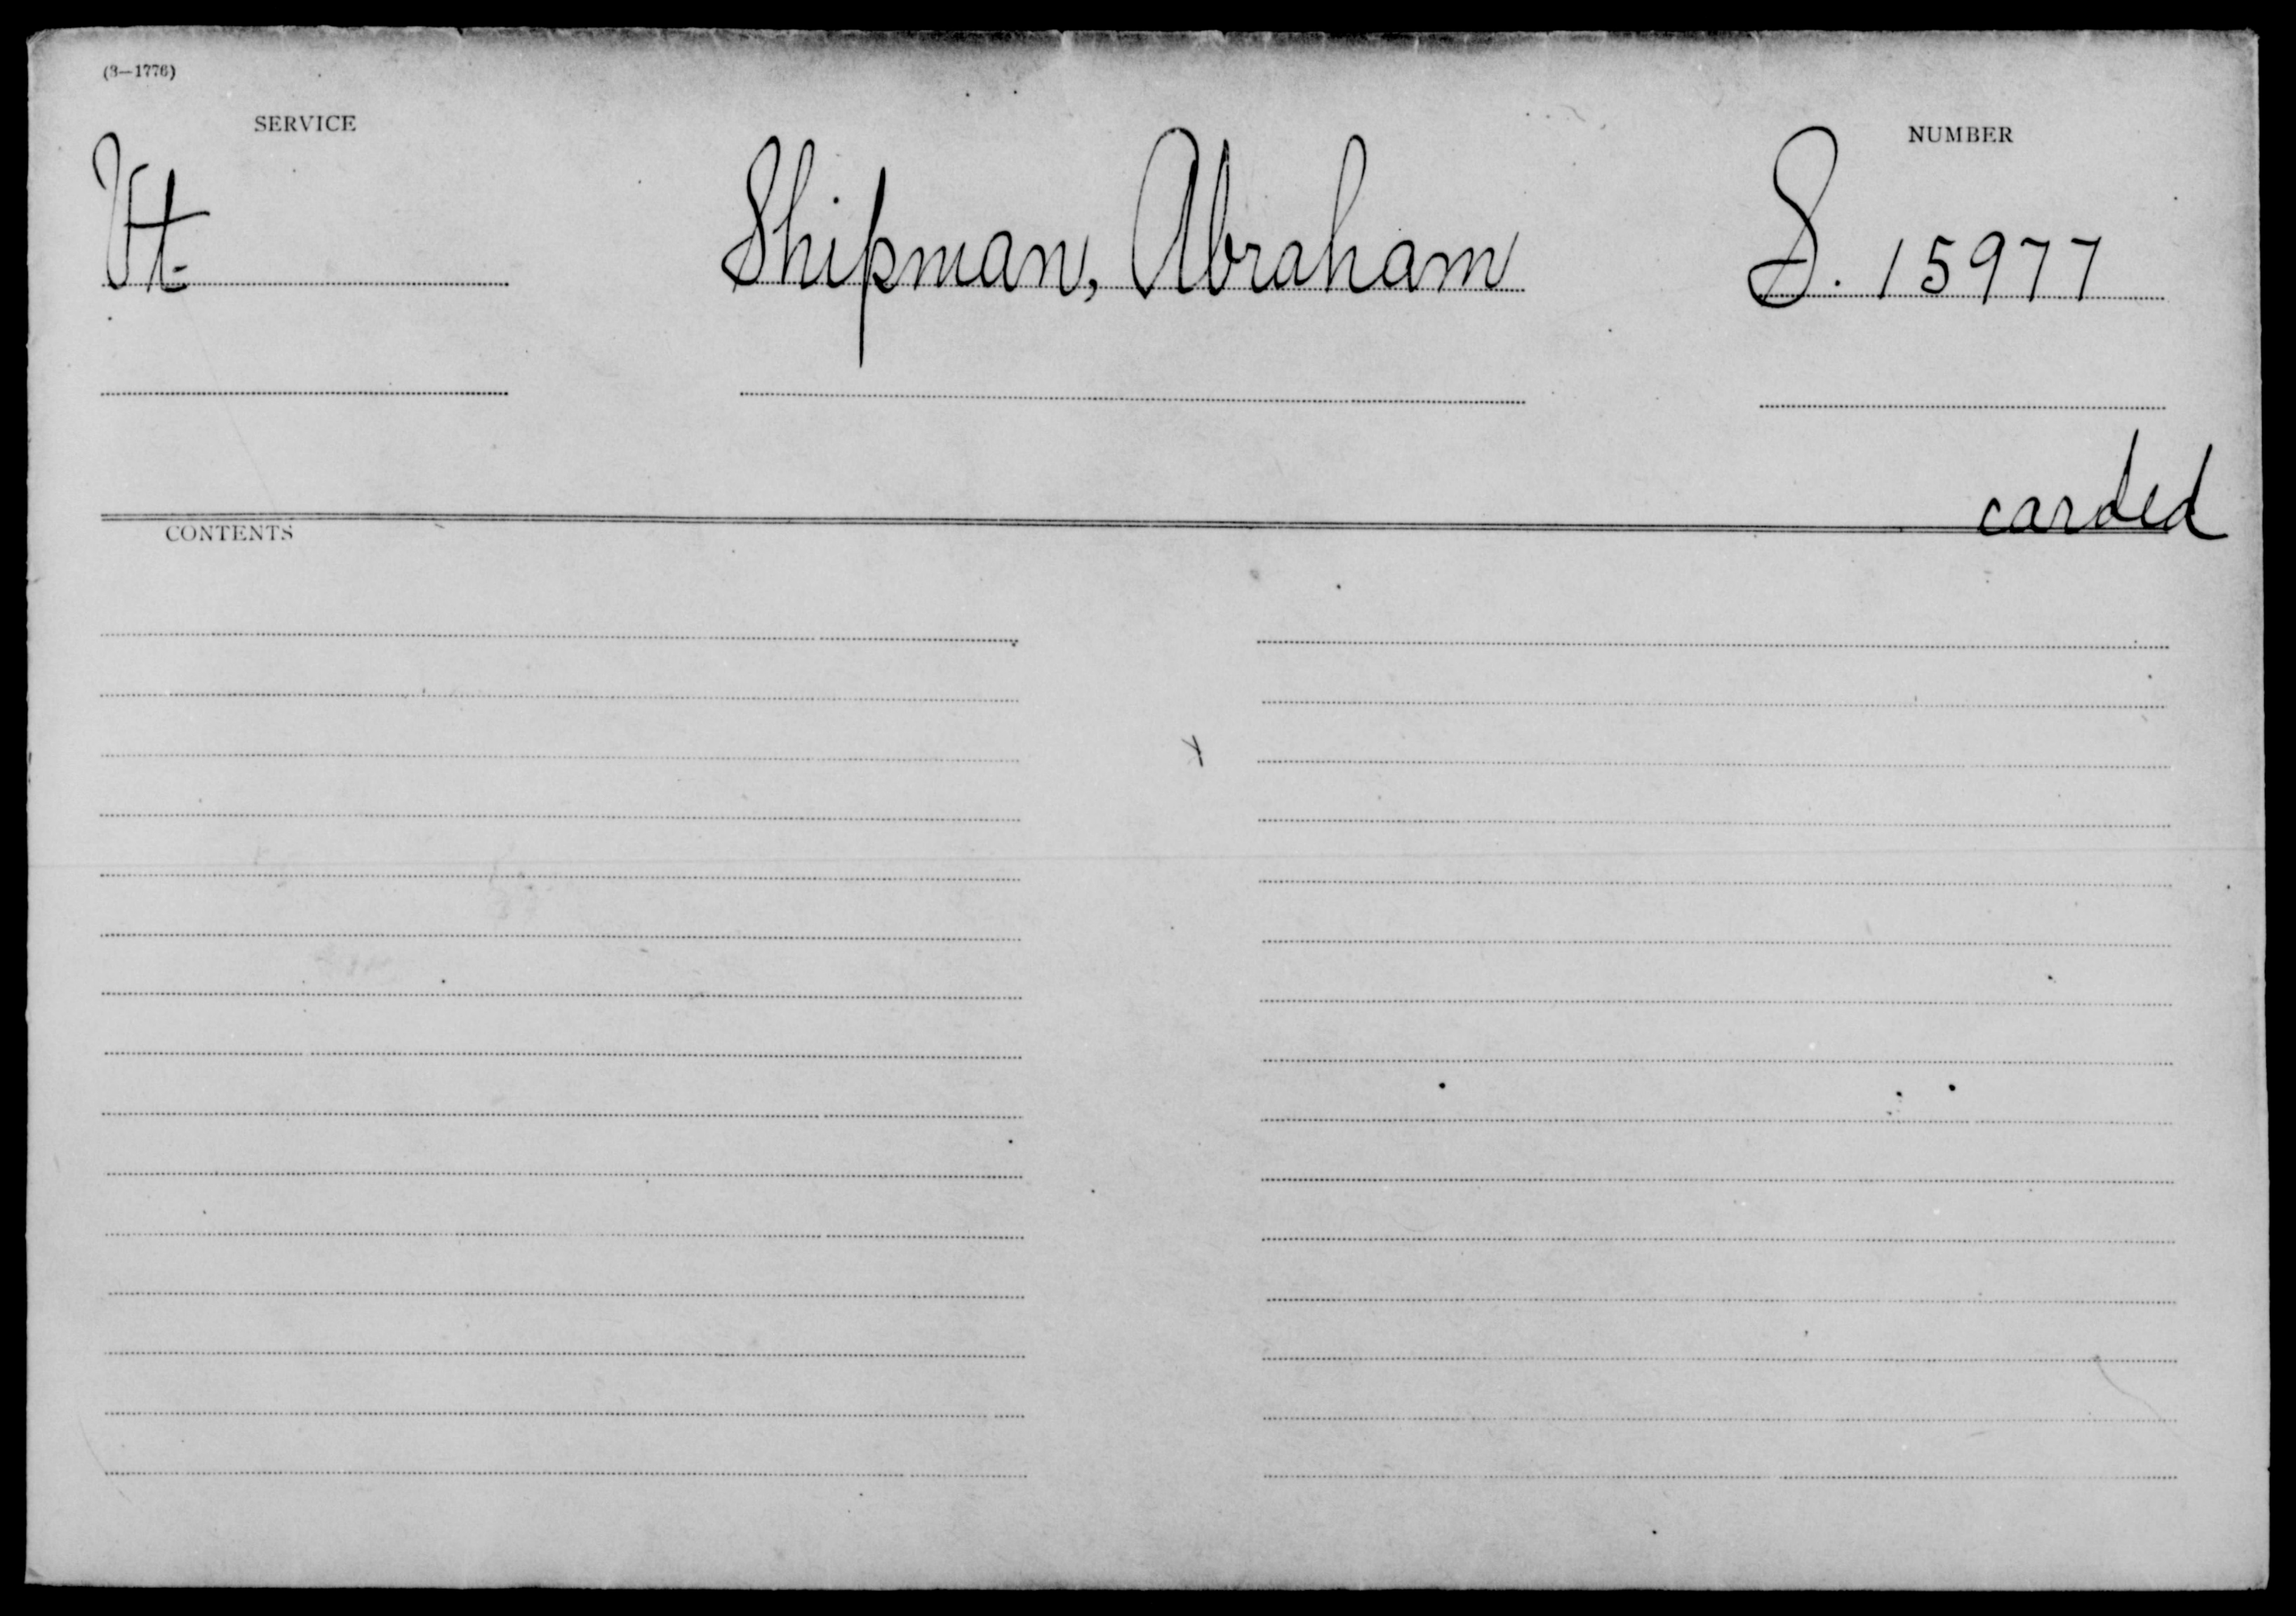(3 - 1776) 
SERVICE                      NUMBER
Vt.       Shipman, Abraham.      S. 15977 

carded
CONTENTS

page: 1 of 13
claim: survivor's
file: S. 15977, for Abraham Shipman, Vermont